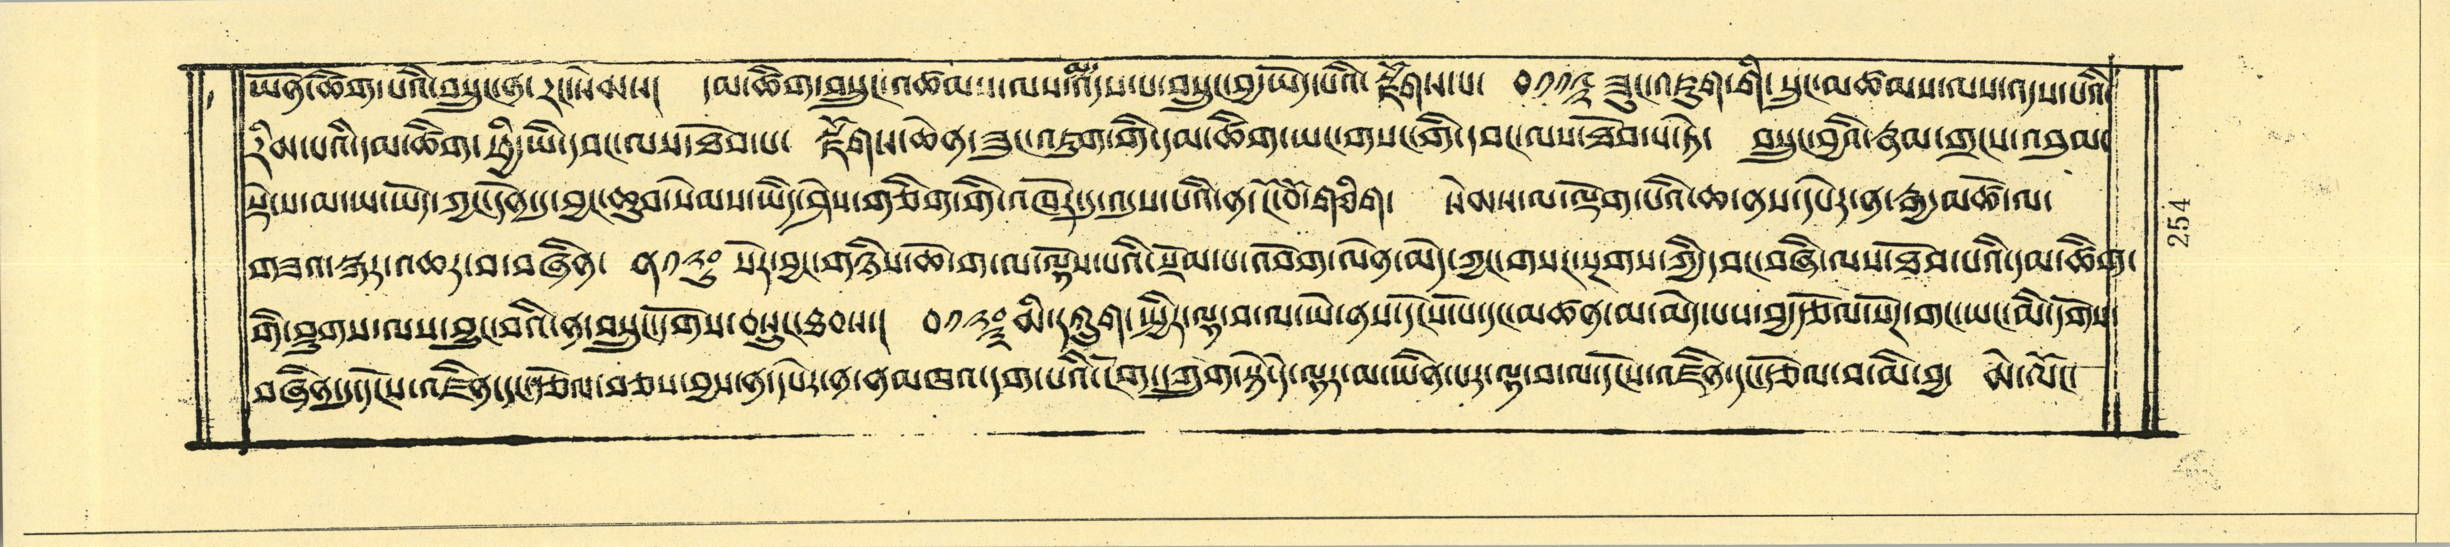ཡོན་ཚིག་པའི་བསྲུང་ན་རང་སེམས། དམ་ཚིག་བསྲུང་འཚམས་ལས་མ་འདས་པ་བསྲུང་བྱ་ཡོད་པའི་སྫོགས་པ་ བ༡༡༩།༢ ཟུང་འཇུག་གི་སྲུང་མཚམས་ལས་འདས་པའི་ ༔
རིམ་པའི་དམ་ཚིག་ཕྱི་ཡི་དབང་ལས་ཐོབ་པ། སྫོགས་ཆེན་ཟུང་འཇུག་གི་དམ་ཚིག་ཡང་གསང་གི་དབང་ལས་ཐོབ་པ་ཏེ། བསྲུང་བྱའི་རྣམ་གྲངས་འབུམ་
སྡེ་ས་མ་ཡ་ཡོད་ཀྱང་དོན་དུ་བྱང་ཆུབ་སེམས་ཡིད་ཤེས་གཅིག་གི་འཁོར་དུ་འདུས་པའི་ན་ ངོ་བོ་གཅིག་ སེམས་ལ་ལྡོག་པའི་ཆ་ནས་དཔེར་ན་རྒྱ་མཚོ་ལ་
གཟའ་སྐར་འཆར་བ་བཞིན། ན༡༢༠།༦ སོར་བྱང་གཉིས་ཆོ་ག་ལ་ལྟོས་པའི་སྡོམ་པ་འབོག་ལེན་མེད་ཀྱང་གསང་སྔགས་ཀྱི་དབང་བཞི་ལས་ཐོབ་པའི་དམ་ཚིག་
གི་ཤུགས་ལས་བྱུང་བའི་ན་བསྲུང་དགོས་བསྲུང་ཐབས་ བ༡༢༠།༣ ༼མི་དཀྲུག་༽སྤྱིར་ལྟ་བ་ལ་ཡེ་ནས་དངོས་པོ་དང་མཚན་མ་མེད་པས་བྱ་རྩོལ་སོགས་གང་ཡང་མི་དགོས་
བཞིན་དུ་དངོས་འཛིན་དང་རྩོལ་བཅས་བྱས་ན་དཔེར་ན་ནམ་མཁའ་དག་པའི་ངོག་དཀྲུག་སྟེ་དེ་ལྟར་མ་ཡིན་པར་ལྟ་བ་ལ་དངོས་འཛིན་དང་རྩོལ་བ་མི་བྱ། ༼མེ་ལོང་༽